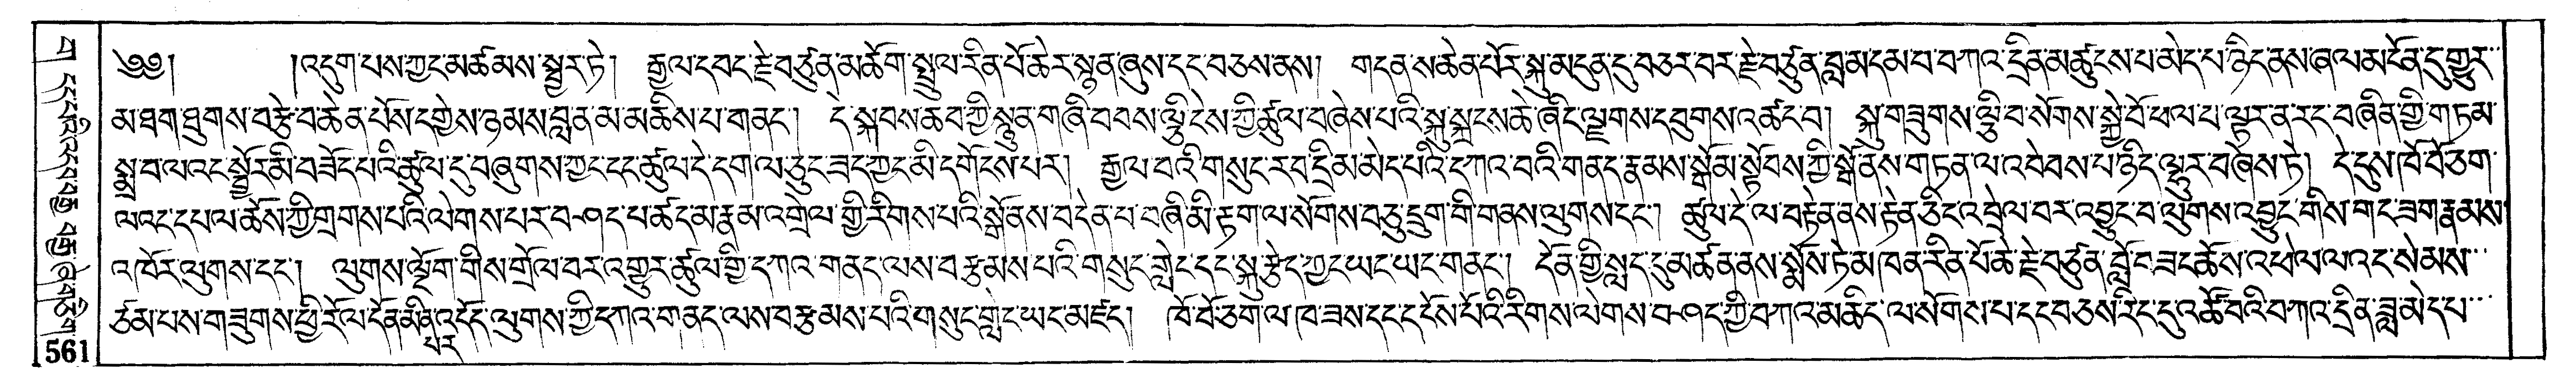༄༅། །འདུག་པས་ཀྱང་མཚམས་སྦྱར་ཏེ། རྒྱལ་དབང་རྗེ་བཙུན་མཆོག་སྤྲུལ་རིན་པོ་ཆེར་སྙན་ཞུས་དང་བཅས་ནས། གདན་ས་ཆེན་པོར་སྐུ་མདུན་དུ་བཅར་བར་རྗེ་བཙུན་བླ་མ་དམ་པ་བཀའ་དྲིན་མཚུངས་བ་མེད་པ་ཉིད་ནས་ཞལ་མངོན་དུ་གྱུར་
མ་ཐག་ཐུགས་བརྩེ་བ་ཆེན་པོས་དགྱེས་ཉམས་བླ་ན་མ་མཆིས་པ་གནང་། དེ་སྐབས་ཆབ་ཀྱི་སྙུན་གཞི་བབས་ལྕི་ངེས་ཀྱི་ཚུལ་བཞེས་པའི་སྐུ་སྐྲངས་ཆེ་ཞིང་ལྗགས་དབུགས་འཚང་བ། སྐུ་གཟུགས་ལྕི་བ་སོགས་སྐྱེ་བོ་ཕལ་པ་ལྟར་ན་རང་བཞིན་གྱི་གཏམ་
སྨྲ་བ་ལའང་སྦྱོར་མི་བཟོད་པའི་ཚུལ་དུ་བཞུགས་ཀྱང་དང་ཚུལ་དེ་དག་ལ་ཅུང་ཟད་ཀྱང་མི་དགོངས་པར། རྒྱལ་བའི་གསུང་རབ་དྲི་མ་མེད་པའི་དཀའ་བའི་གནད་རྣམས་སྒོམ་སྟོབས་ཀྱི་སྒོ་ནས་གཏན་ལ་འབེབས་པ་ཉིད་ལྷུར་བཞེས་ཏེ། དེ་དུས་ཁོ་བོ་ཅག་
ལའང་དཔལ་ཆོས་ཀྱི་གྲགས་པའི་ལེགས་པར་བཤད་པ་ཚད་མ་རྣམ་འགྲེལ་གྱི་རིགས་པའི་སྒོ་ནས་བདེན་པ་བཞི་མི་རྟག་ལ་སོགས་བཅུ་དྲུག་གི་གནས་ལུགས་དང་། ཚུལ་དེ་ལ་བརྟེན་ནས་རྟེན་ཅིང་འབྲེལ་པར་འབྱུང་བ་ལུགས་འབྱུང་གིས་གང་ཟག་རྣམས་
འཁོར་ལུགས་དང་། ལུགས་ལྡོག་གིས་གྲོལ་བར་འགྱུར་ཚུལ་གྱི་དཀའ་གནད་ལས་བརྩམས་པའི་གསུང་གླེང་དང་སྐུ་རྩེད་ཀྱང་ཡང་ཡང་གནང་། དོན་གྱི་སླད་དུ་མཚན་ནས་སྨོས་ཏེ་མཁན་རིན་པོ་ཆེ་རྗེ་བཙུན་བློ་བཟང་ཆོས་འཕེལ་ལའང་སེམས་
ཙམ་པས་གཟུགས་ཕྱི་རོལ་དོན་མིན་པར་འདོད་ལུགས་ཀྱི་དཀའ་གནད་ལས་བརྩམས་པའི་གསུང་གླེང་ཡང་མཛད། ཁོ་བོ་ཅག་ལ་ཁ་ཟས་དང་དངོས་པོའི་རིགས་ལེགས་བཤད་ཀྱི་བཀའ་མཆིད་ལ་སོགས་པ་དང་བཅས་རིང་དུ་འཚོ་བའི་བཀའ་དྲིན་ཟླ་མེད་པ་